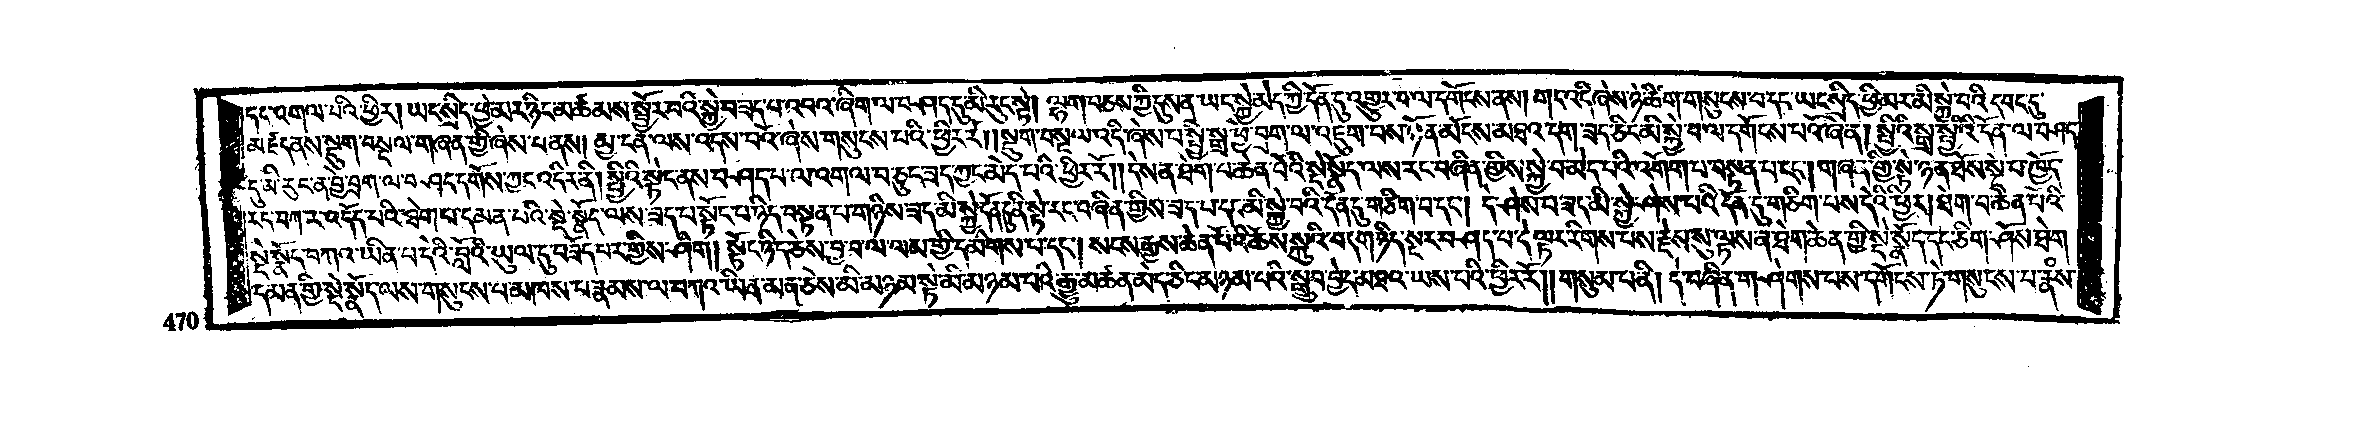དང་འགལ་བའི་ཕྱིར། ཡང་སྲིད་ཕྱེ་མར་ཉིང་མཚམས་སྦྱོར་བའི་སྐྱེ་བ་ཟད་པ་འབའ་ཞིག་ལ་བཤད་དུ་མི་རུང་སྟེ། ལྷག་བཅས་ཀྱི་དུས་ན་ཡང་སྐྱེ་མེད་ཀྱི་དོན་དུ་འགྱུར་བ་ལ་དགོངས་ནས། གང་འདི་ཞེས་ཉེ་ཚིགས་གསུངས་པ་དང་ཡང་སྲིད་ཕྱི་མར་མི་སྐྱེ་བའི་དབང་དུ་
མཛད་ནས་སྡུག་བསྔལ་གཞན་གྱི་ཞེས་པ་ནས། མྱ་ངན་ལས་འདས་པའོ་ཞེས་གསུངས་པའི་ཕྱིར་རོ། །སྡུག་བསྔལ་འདི་ཞེས་པ་སྤྱིར་སྒྲ་ཕྱེ་བྲག་ལ་འཇུག་པས་ཉོན་མོངས་མཐའ་དག་ཟད་ཅིང་མི་སྐྱེ་བ་ལ་དགོངས་པའོ་ཞེ་ན། སྤྱིའི་སྒྲ་སྤྱིའི་དོན་ལ་བཤད་
དུ་མི་རུང་ན་བྱེ་བྲག་ལ་བཤད་དགོས་ཀྱང་འདིར་ནི། སྤྱིའི་སྟེང་ནས་བཤད་པ་ལ་འགལ་བ་ཅུང་ཟད་ཀྱང་མེད་པའི་ཕྱིར་རོ། །དེས་ན་ཐེག་པ་ཆེན་པོའི་སྡེ་སྣོད་ལས་རང་བཞིན་གྱིས་སྐྱེ་བ་མེད་པའི་འགོག་པ་བསྟན་པ་དང་། གཞན་གྱི་སྟེ་ཉན་ཐོས་སྡེ་པ་ཁྱོད་
རད་བཀར་འདོད་པའི་ཐེག་པ་དམན་པའི་སྡེ་སྣོད་ལས་ཟད་པ་སྟོང་པ་ཉིད་བསྟན་པ་གཉིས་ཟད་མི་སྐྱེ་དོན་དུ་ནི་སྟེ་རང་བཞིན་གྱིས་ཟད་པ་དང་མི་སྐྱེ་བའི་དོན་དུ་གཅིག་པ་དང་། དེ་ཤེས་པ་ཟད་མི་སྐྱེ་ཤེས་པའི་དོན་དུ་གཅིག་པས་དེའི་ཕྱིར། ཐེག་པ་ཆེན་པོའི་
སྡེ་སྣོད་བཀའ་ཡིན་པ་དེའི་བློའི་ཡུལ་དུ་བཟོད་པར་གྱིས་ཤིག །སྟོང་ཉིད་ཅེས་བྱ་བ་ལ་ལམ་གྱི་དམིགས་པ་དང་། སངས་རྒྱས་ཆེན་པོའི་ཆོས་སྐུའི་བདག་ཉིད་སྔར་བཤད་པ་དེ་ལྟར་རིགས་པས་རྗེས་སུ་ལྟས་ན་ཐེག་ཆེན་གྱི་སྡེ་སྣོད་དང་ཅིག་ཤོས་ཐེག་
དམན་གྱི་སྡེ་སྣོད་ལས་གསུངས་པ་མཁས་པ་རྣམས་ལ་བཀའ་ཡིན་མན་ཅེས་མི་མཉམ་སྟེ་མི་མཉམ་པའི་རྒྱུ་མཚན་མེད་ཅིང་མཉམ་པའི་སྒྲུབ་བྱེད་མཐའ་ཡས་པའི་ཕྱིར་རོ། །གསུམ་པ་ནི། དེ་བཞིན་གཤེགས་པས་དགོངས་ཏེ་གསུངས་པ་རྣམས་